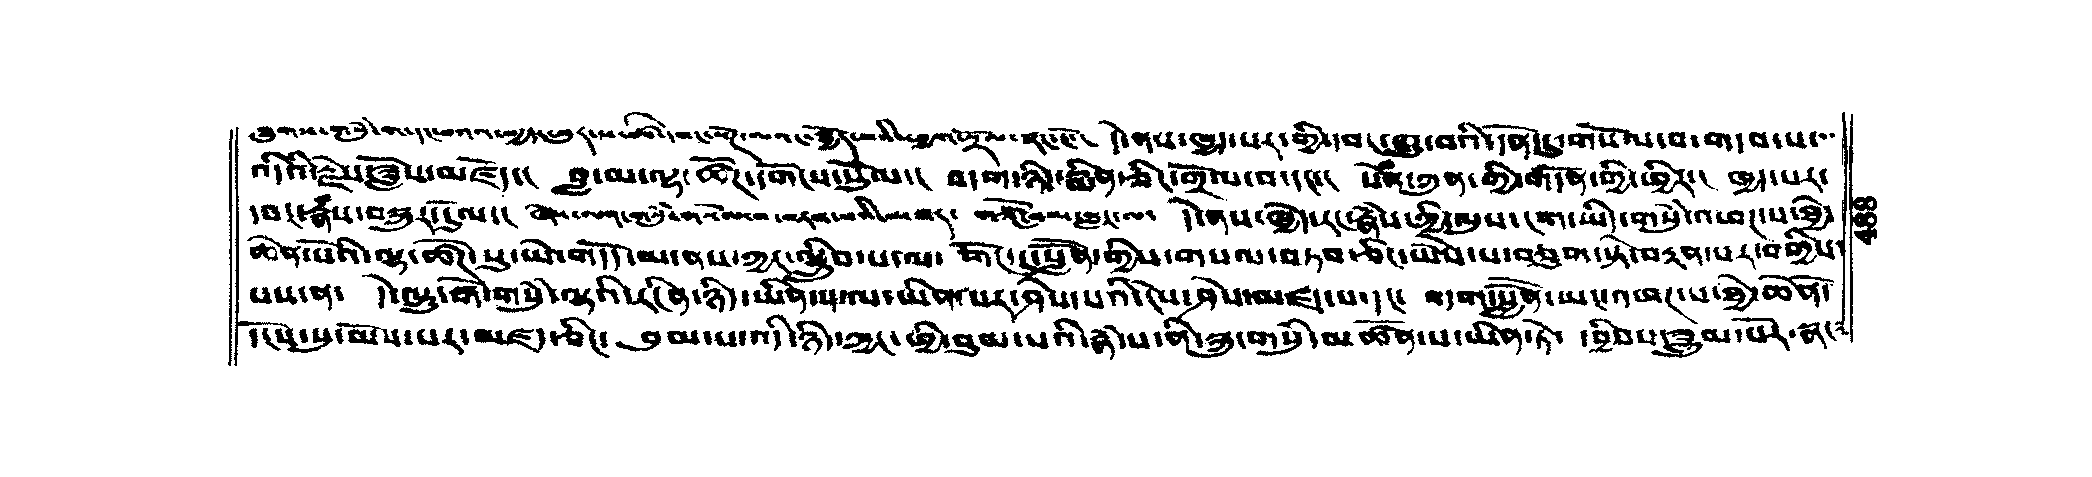ཐུགས་གསུམ་ག་དང་བཀའ་བརྒྱད་ཕུར་བ་ཚེ་དབང་སོགས་ལའང་སྦྱོར་བའི་ཕྱག་སྲོལ་སྣང་ངོ་། དེ་ནས་ཁྱད་པར་གྱི་དབང་ཞུ་བའི་དོན་དུ་གསོལ་བ་གདབ་པ་
འདིའི་རྗེས་ཟློས་མཛོད། བླ་མ་ལྷ་ཚོགས་དགོངསསུ་གསོལ། བདག་ཉིད་སྨིན་ཅིང་གྲོལ་བ་དང་། །སེམས་ཅན་ཀུན་གྱི་དོན་གྱི་ཕྱིར། །ཁྱད་པར་
དབང་རྣམས་བསྐུར་དུ་གསོལ། །ཞེས་ལན་གསུམ་གསོལ་བ་བཏབ་པའི་མཐར། གཙོ་བུམ་བླང་ལ། དེ་ནས་ཁྱོད་རང་རྣམས་ཀྱི་ལུས་ངག་ཡིད་གསུམ་འཕགས་པ་ཐུགས་རྗེ་
ཆེན་པོའི་ལྷ་ཚོགས་སུ་ཡེ་གདོད་མ་ནས་ཀྱང་ལྷུན་གྱིས་གྲུབ་པ་ལ། གོང་དུ་སློབ་དཔོན་གྱིས་གསལ་བཏབ་ཅིང་ཡེ་ཤེས་པ་བཅུག་སྟེ་བརྟན་པར་བགྱིས་
པས་ན། དེ་ལྟ་བུ་སྒོ་གསུམ་ལྷའི་རང་བཞིན་ཉིད་ཡིན་པ་ལ་ཡིན་པར་ཤེས་པའི་ངེས་ཤེས་མཛད་པ་དང་། བདག་སློབ་དཔོན་ཡང་འཕགས་པ་ཐུགས་རྗེ་ཆེན་པོ་
དངོས་སུ་མོས་པར་མཛད་ཅིང་།བུམ་པ་འདི་ཉིད་ཀྱང་ཕྱི་བུམ་པའི་རྣམ་པ་ནི་སྐུ་གསུམ་མཚོན་པ་ཡིན་ཏེ། དབྱིབས་ཟླུམ་པོར་སྣང་